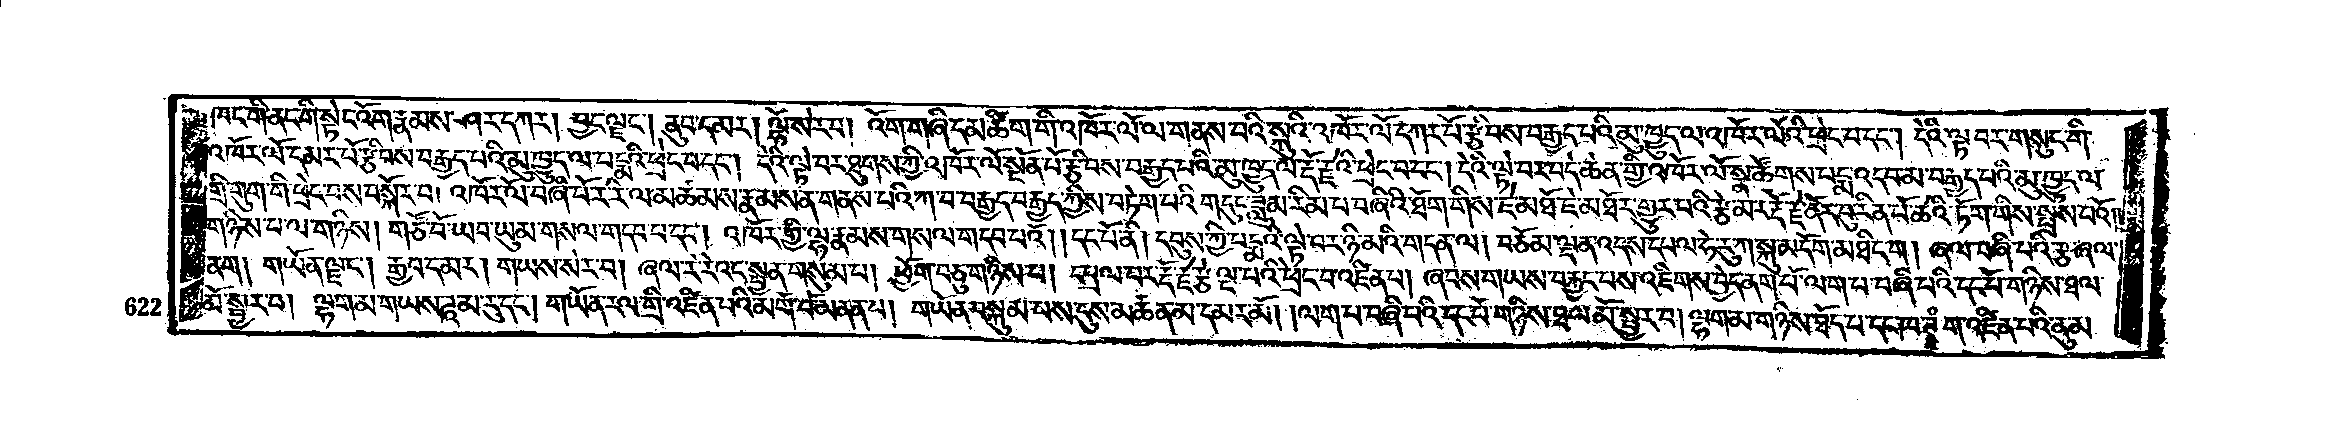ཁང་གི་ནང་གི་སྟེང་འོག་རྣམས་ཤར་དཀར། བྱང་ལྗང་། ནུབ་དམར། ལྷོ་སེར་བ། འོག་གཞི་དམ་ཚིག་གི་འཁོར་ལོ་ལ་གནས་པའི་སྐུའི་འཁོར་ལོ་དཀར་པོ་རྩིབས་བརྒྱད་པའི་མུ་ཁྱུད་ལ་འཁོར་ལོའི་ཕྲེང་བ་དང་། དེའི་ལྟེ་བར་གསུང་གི་
འཁོར་ལོ་དམར་པོ་རྩིབས་བརྒྱད་པའི་མུ་ཁྱུད་ལ་པདམའི་ཕྲེང་བ་དང་། དེ་འི་སྟེ་བར་ཐུགས་ཀྱི་འཁོར་ལོ་སྔོན་པོ་རྩིབས་བརྒྱད་པའི་མུ་ཁྱུད་ལ་རྡོ་རྗེའི་ཕྲེང་བ་དང་། དེའི་ལྟེ་བར་བདེ་ཆེན་གྱི་འཁོར་ལོ་སྣ་ཚོགས་པདམ་འདབ་མ་བརྒྱད་པའི་མུ་ཁྱུད་ལ་
གྲི་གུག་གི་ཕྲེང་བས་བསྐོར་བ། འཁོར་ལོ་བཞི་པོ་རེ་རེ་ལ་མཚམས་རྣམས་ན་གནས་པའི་ཀ་བ་བརྒྱད་བརྒྱད་ཀྱིས་བཏེག་པའི་གདུང་ཟླུམ་རིམ་པ་བཞིའི་ཐོག་གིས་ཇེ་མཐོ་ཇེ་མཐོར་གྱུར་པའི་རྩེ་མོར་རྡོ་རྗེ་ནོར་བུ་རིན་པོ་ཆེའི་ཏོག་གིས་སྤྲས་པའོ། །
གཉིས་པ་ལ་གཉིས། གཙོ་བོ་ཡབ་ཡུམ་གསལ་གདབ་པ་དང་། འཁོར་གྱི་ལྷ་རྣམས་གསལ་གདབ་པའོ། །དང་པོ་ནི། དབུས་ཀྱི་པདམའི་ལྟེ་བར་ཉི་མའི་གདན་ལ། བཅོམ་ལྡན་འདས་དཔལ་ཧེ་རུ་ཀ་སྐུ་མདོག་མཐིང་ག། ཞལ་བཞི་པའི་རྩ་ཞལ་
ནག །གཡོན་ལྗང་། རྒྱབ་དམར། གཡས་སེར་བ། ཞལ་རེ་རེའང་སྤྱན་གསུམ་པ། ཕྱག་བཅུ་གཉིས་པ། དཔྲལ་བར་རྡོ་རྗེ་རྩེ་ལྔ་པའི་ཕྲེང་བ་འཛིན་པ། ཞབས་གཡས་བརྐྱང་པས་འཇིགས་བྱེད་ནག་པོ་ལག་པ་བཞི་པའི་དང་པོ་གཉིས་ཐལ་
མོ་སྦྱར་བ། ལྷག་མ་གཡས་ཌཱ་མ་རུ་དང་། གཡོན་རལ་གྲི་འཛིན་པའི་མགོ་བོ་མནན་པ། གཡོན་བསྐུམ་པས་དུས་མཚན་མ་དམར་མོ། །ལག་པ་བཞི་པའི་དང་པོ་གཉིས་ཐལ་མོ་སྦྱར་བ། ལྷག་མ་གཉིས་ཐོད་པ་དང་ཁ་ཊྭཱཾ་ག་འཛིན་པའི་ནུ་མ་